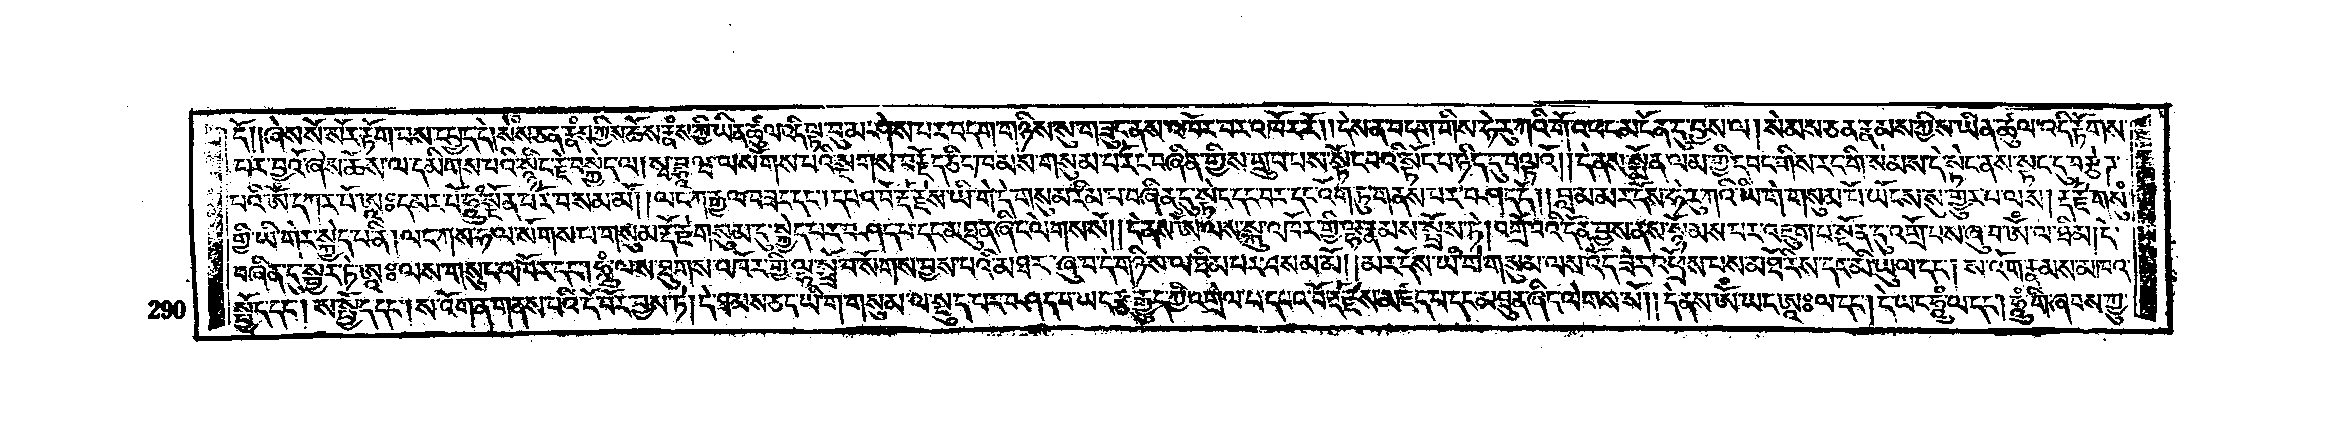དོ། །ཞེས་སོ་སོར་རྟོག་པས་དཔྱད་དེ། སེམས་ཅན་རྣམས་ཀྱིས་ཆོས་རྣམས་ཀྱི་ཡིན་ཚུལ་འདི་ལྟ་བུ་མ་ཤེས་པར་བདག་གཉིས་སུ་གཟུང་ནས་འཁོར་བར་འཁོར་རོ། །དེས་ན་བདག་གིས་ཧེ་རུ་ཀའི་གོ་འཕང་མངོན་དུ་བྱས་ལ། སེམས་ཅན་རྣམས་ཀྱིས་ཡིན་ཚུལ་འདི་རྟོགས་
པར་བྱའོ་ཞེས་ཆོས་ལ་དམིགས་པའི་སྙིང་རྗེ་བསྐྱེད་ལ། སྭ་བྷཱ་ཝ་ལ་སོགས་པའི་སྔགས་བརྗོད་ཅིང་ཁམས་གསུམ་པོ་རང་བཞིན་གྱིས་གྲུབ་པས་སྟོང་པའི་སྟོང་པ་ཉིད་དུ་བལྟའོ། །དེ་ནས་སྨོན་ལམ་གྱི་དབང་གིས་རང་གི་སེམས་དེ་སྟེང་ནས་སྟེང་དུ་བརྩེགས་
པའི་ཨོཾ་དཀར་པོ་ཨཱཿ དམར་པོ་ཧཱུཾ་སྔོན་པོར་བསམ་མོ། །ལང་ཀ་རྒྱལ་བཟང་དང་། དཔའ་བོ་རྡོ་རྗེས་ཡི་གེ་དེ་གསུམ་རིམ་པ་བཞིན་དུ་སྟེང་དང་བར་དང་འོག་ཏུ་གནས་པར་བཤད་དོ། །བླ་མ་མར་དོས་ཧེ་རུ་ཀའི་ཡི་གེ་གསུམ་པོ་ཡོངས་སུ་གྱུར་པ་ལས། རྡོ་རྗེ་གསུམ་
གྱི་ཡི་གེར་སྐྱེད་པ་ནི། ལང་ཀས་ཧེ་ལ་སོགས་པ་གསུམ་རྡོ་རྗེ་གསུམ་དུ་སྐྱེད་པར་བཤད་པ་དང་མཐུན་ཞིང་ལེགས་སོ། །དེ་ནས་ཨོཾ་ལས་སྐུ་འཁོར་གྱི་ལྷ་རྣམས་སྤྲོས་ཏེ། འགྲོ་བའི་དོན་བྱས་ནས་སྙོམས་པར་འཇུག་པ་སྔོན་དུ་འགྲོ་བས་ཞུ་བ་ཨོཾ་ལ་ཐིམ། དེ་
བཞིན་དུ་སྦྱར་ཏེ་ཨཱཿ ལས་གསུང་འཁོར་དང་། ཧཱུཾ་ལས་ཐུགས་འཁོར་གྱི་ལྷ་སྤྲོ་བ་སོགས་བྱས་པའི་མཐར་ཞུ་བ་དེ་གཉིས་ལ་ཐིམ་པར་བསམ་མོ། །མར་དོས་ཡི་གེ་གསུམ་ལས་འོད་ཟེར་འཕྲོས་པས་མཐོ་རིས་དང་མི་ཡུལ་དང་། ས་འོག་རྣམས་མཁའ་
སྤྱོད་དང་། ས་སྤྱོད་དང་། ས་འོག་ན་གནས་པའི་ངོ་བོར་བྱས་ཏེ། དེ་ཐམས་ཅད་ཡི་གེ་གསུམ་ལ་སྡུད་པར་བཤད་པ་ཡང་རྩ་རྒྱུད་ཀྱི་འགྲེལ་པ་དཔའ་བོ་རྡོ་རྗེས་མཛད་པ་དང་མཐུན་ཞིང་ལེགས་སོ། །དེ་ནས་ཨོཾ་ཡང་ཨཱཿ ལ་དང་། དེ་ཡང་ཧཱུཾ་ལ་དང་། ཧཱུཾ་གི་ཞབས་ཀྱུ་